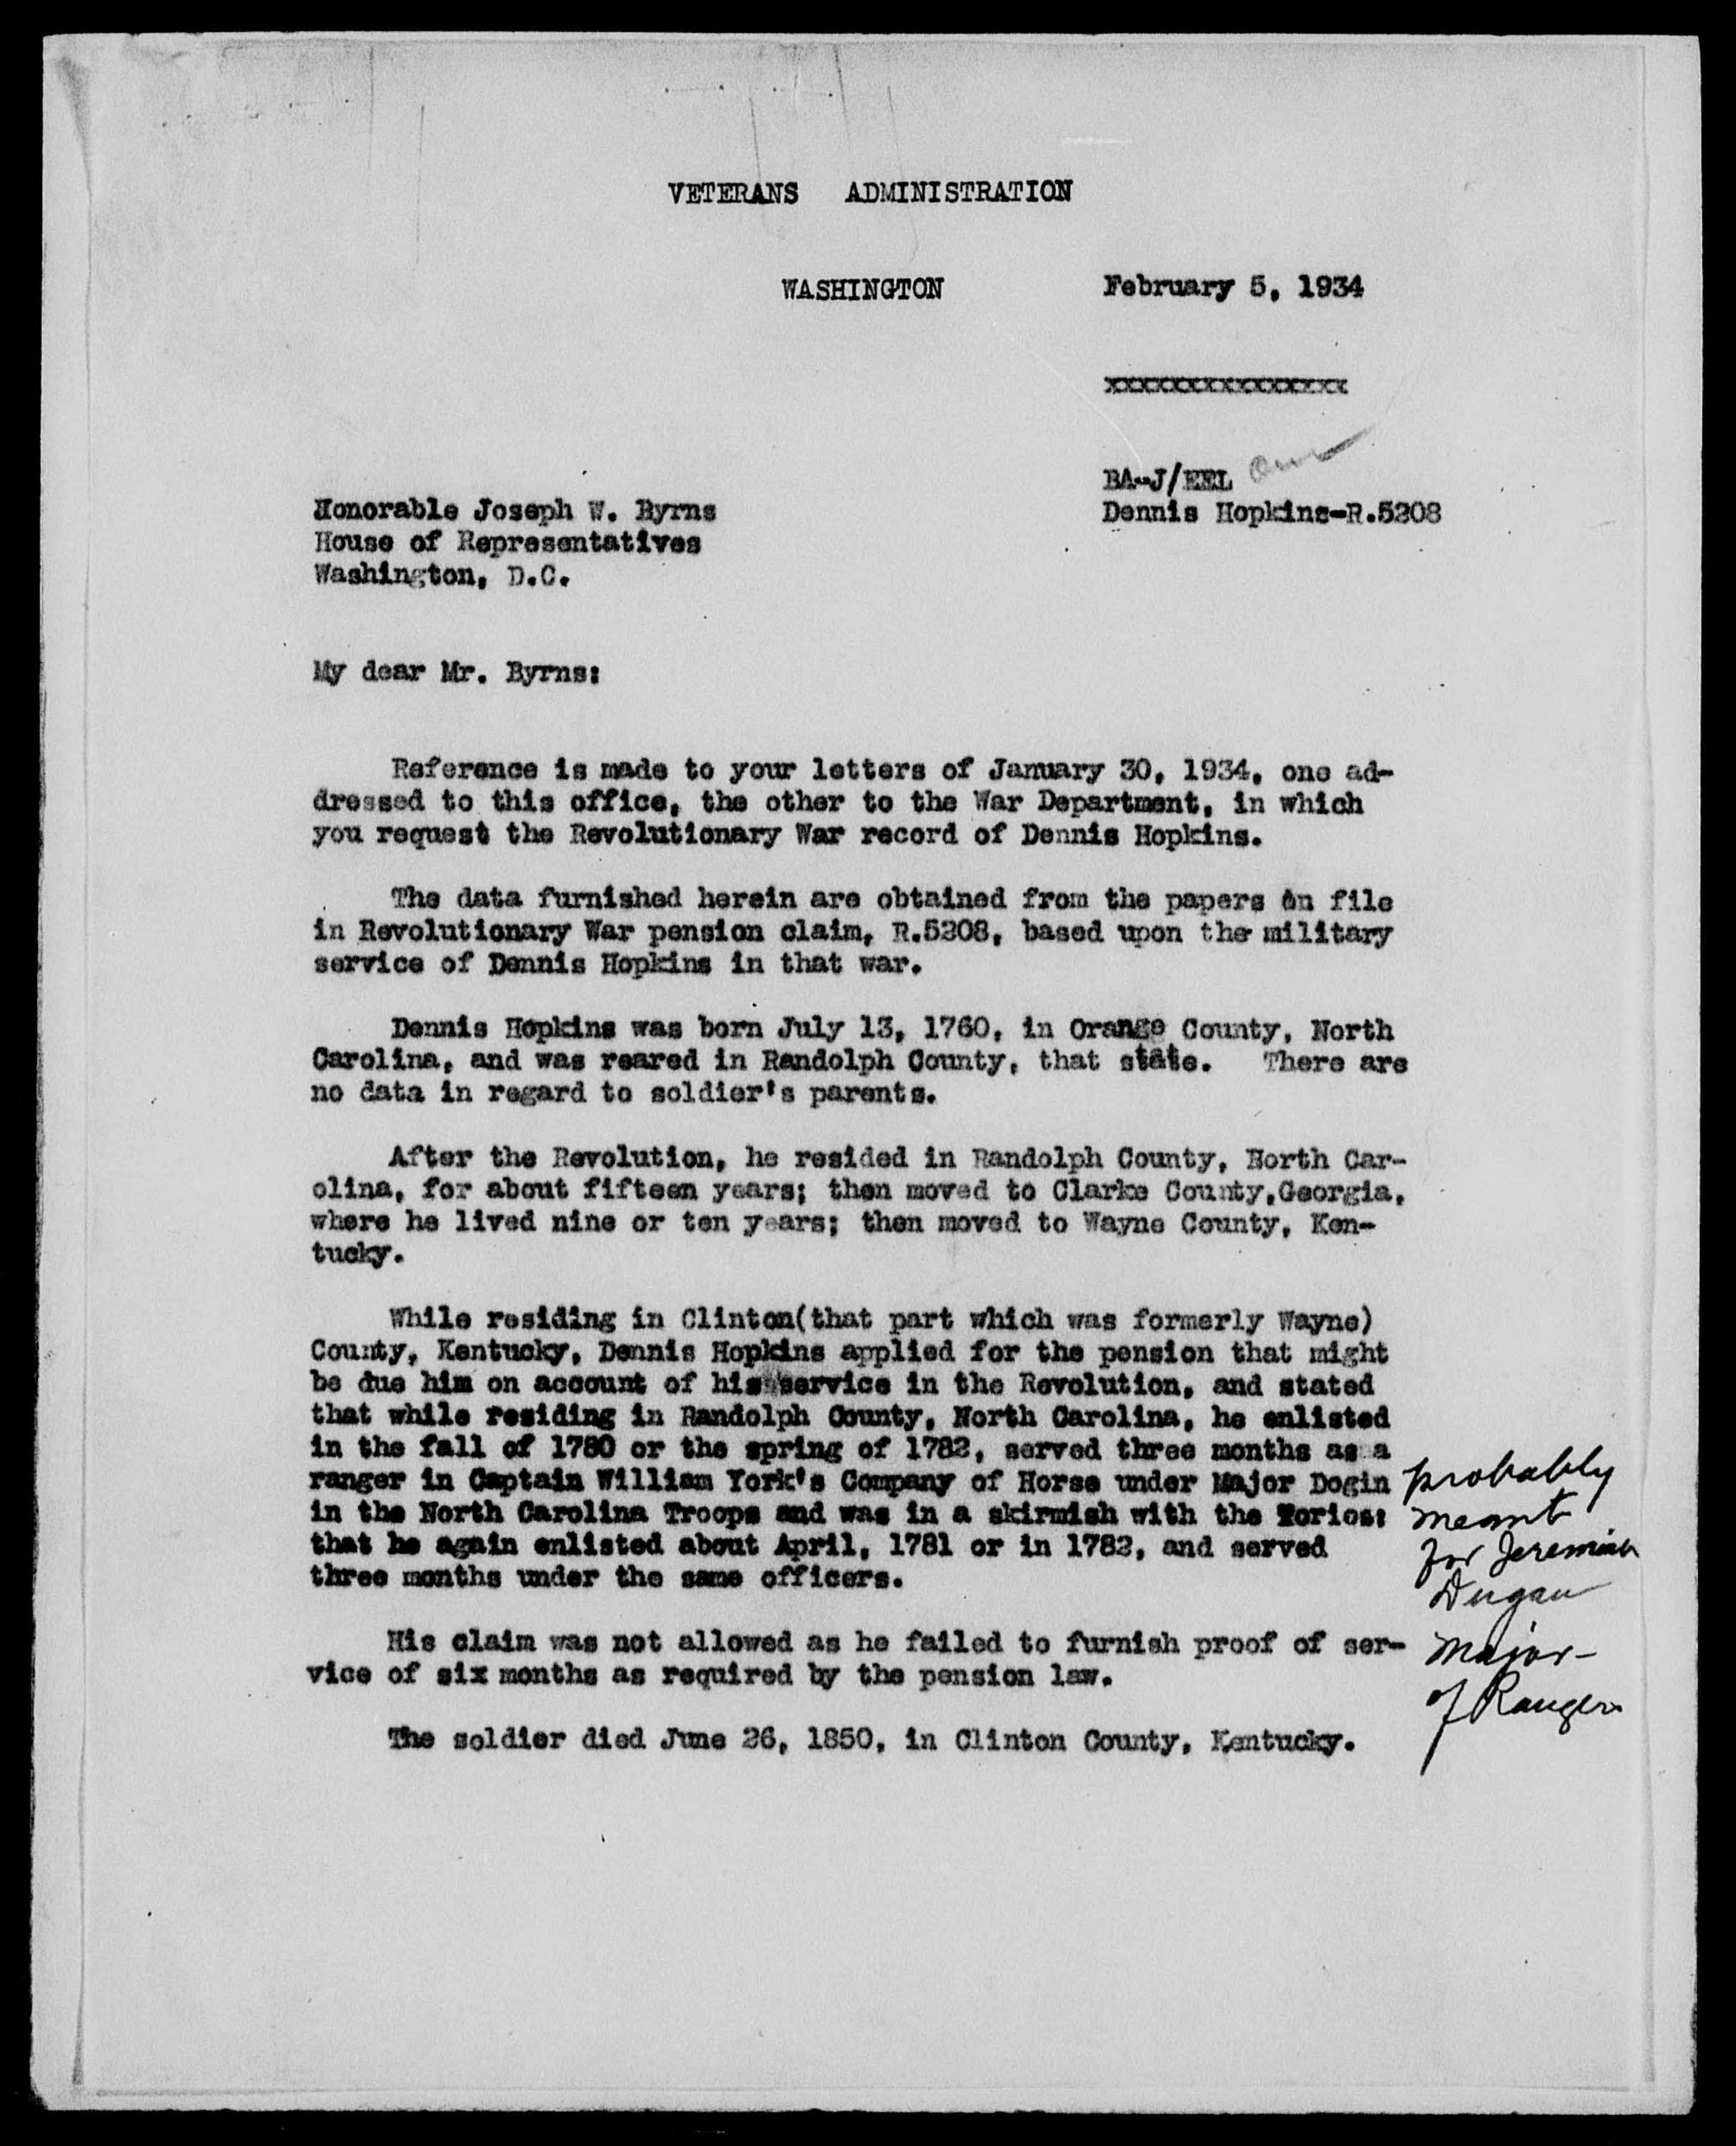VETERANS ADMINISTRATION
WASHINGTON
February 5, 1934
XXXXXXXXXXXX
BA-J/EEL  am
Dennis Hopkins R.5308

Honorable Joseph W. Byrns
House of Representatives
Washington, D.C.    

My dear Mr Byrns:

Reference is made to your letters of January 30, 1934, one addressed to this office, the other to the War Department, in which you request the Revolutionary War record of Dennis Hopkins.

The data furnished herein are obtained from the papers on file in Revolutionary War pension claim, R.5208, based upon the military service of Dennis Hopkins in that war.

Dennis Hopkins was born July 13, 1760, in Orange County, North Carolina, and was reared in Randolph County, that state. There are no data in regard to soldier's parents.

After the Revolution, he resided in Randolph County, North Carolina , for about fifteen years: then moved to Clark County, Georgia, where he lived nine or ten years; then moved to Wayne County, Kentucky. 

While residing in Clinton (that part which was formerly Wayne) County, Kentucky, Dennis Hopkins applied for the pension that might be due him on account of his service in the Revolution, and stated that while residing in Randolph County, North Carolina, he enlisted in the fall of 1780 or the spring of 1782, served three months as a ranger in Captain William York's Company of Horse under Major Dogin in the North Carolina Troops and was in a skirmish with the Tories: that he again enlisted about April, 1781 or in 1782, and served three months under the same officers.  [handwritten in right margin:  probably meant for Jeremiah Dugan Major or Rangers]

His claim was not allowed as he failed to furnish proof of service of six months as required by the pension law.

The soldier died June 26, 1850, in Clinton County, Kentucky.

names: Joseph W Byrns, Jeremiah Dugan, Dennis Hopkins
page: 10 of 144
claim: rejected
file: R. 5208, Dennis Hopkins, N.C.